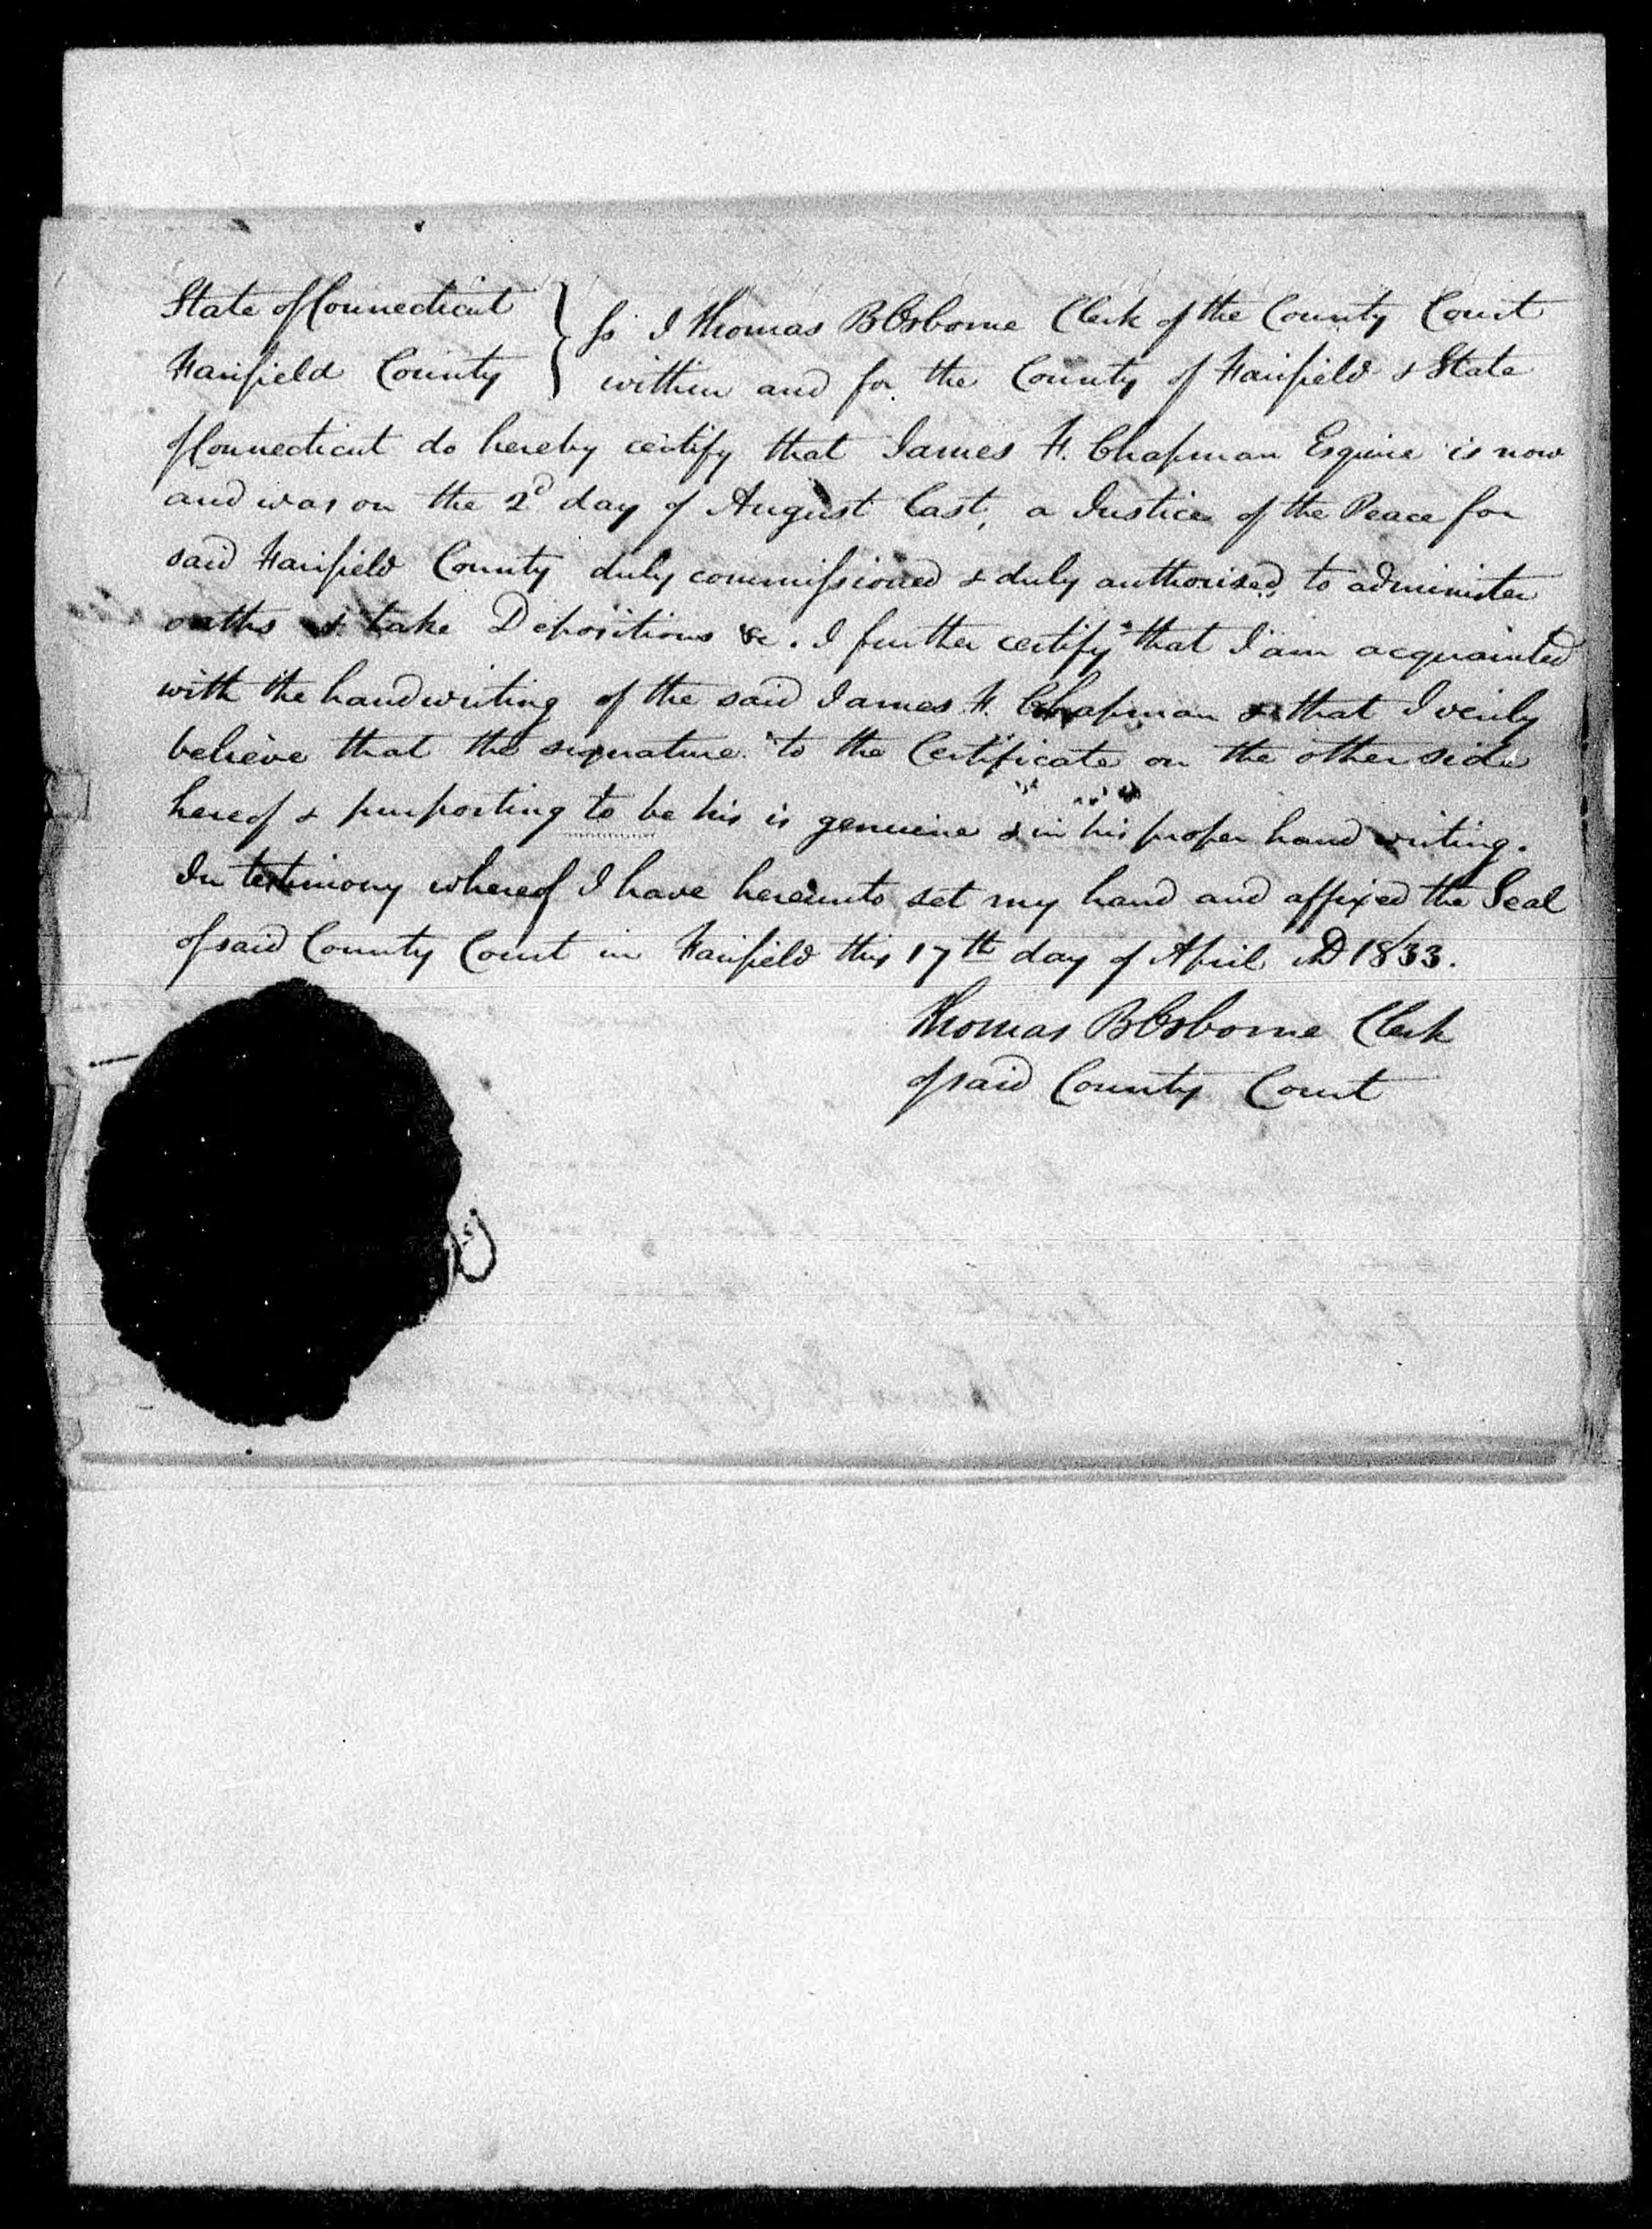State of Connecticut
Fairfield County} Js  I Thomas B Osborne Clerk of the County Court within and for the County of Fairfield and State of Connecticut do hereby certify that James F. Chapman Esquire is now and was on the 2d day of August last, a Justice of the Peace for said Fairfield County duly commissioned & duly authorized to administer & take Depositions etc. I further certify that I am acquainted with the handwriting of the said James F. Chapman & that I verily believe that the signature to the Certificate on the other side hereof & purporting to be his is genuine & in his proper hand writing.
In testimony whereof I have hereunto set my hand and affixed the Seal of said County Court in Fairfield this 17th day of April 1833.
             [Signed] Thomas B Osborne Clerk
                              of said County Court

[Seal affixed lower left corner]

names: James F Chapman, Thomas B Osborne, Thomas B Osborne, James F Chapman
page: 9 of 49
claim: widow's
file: W 24308, Josiah Gregory, Conn.